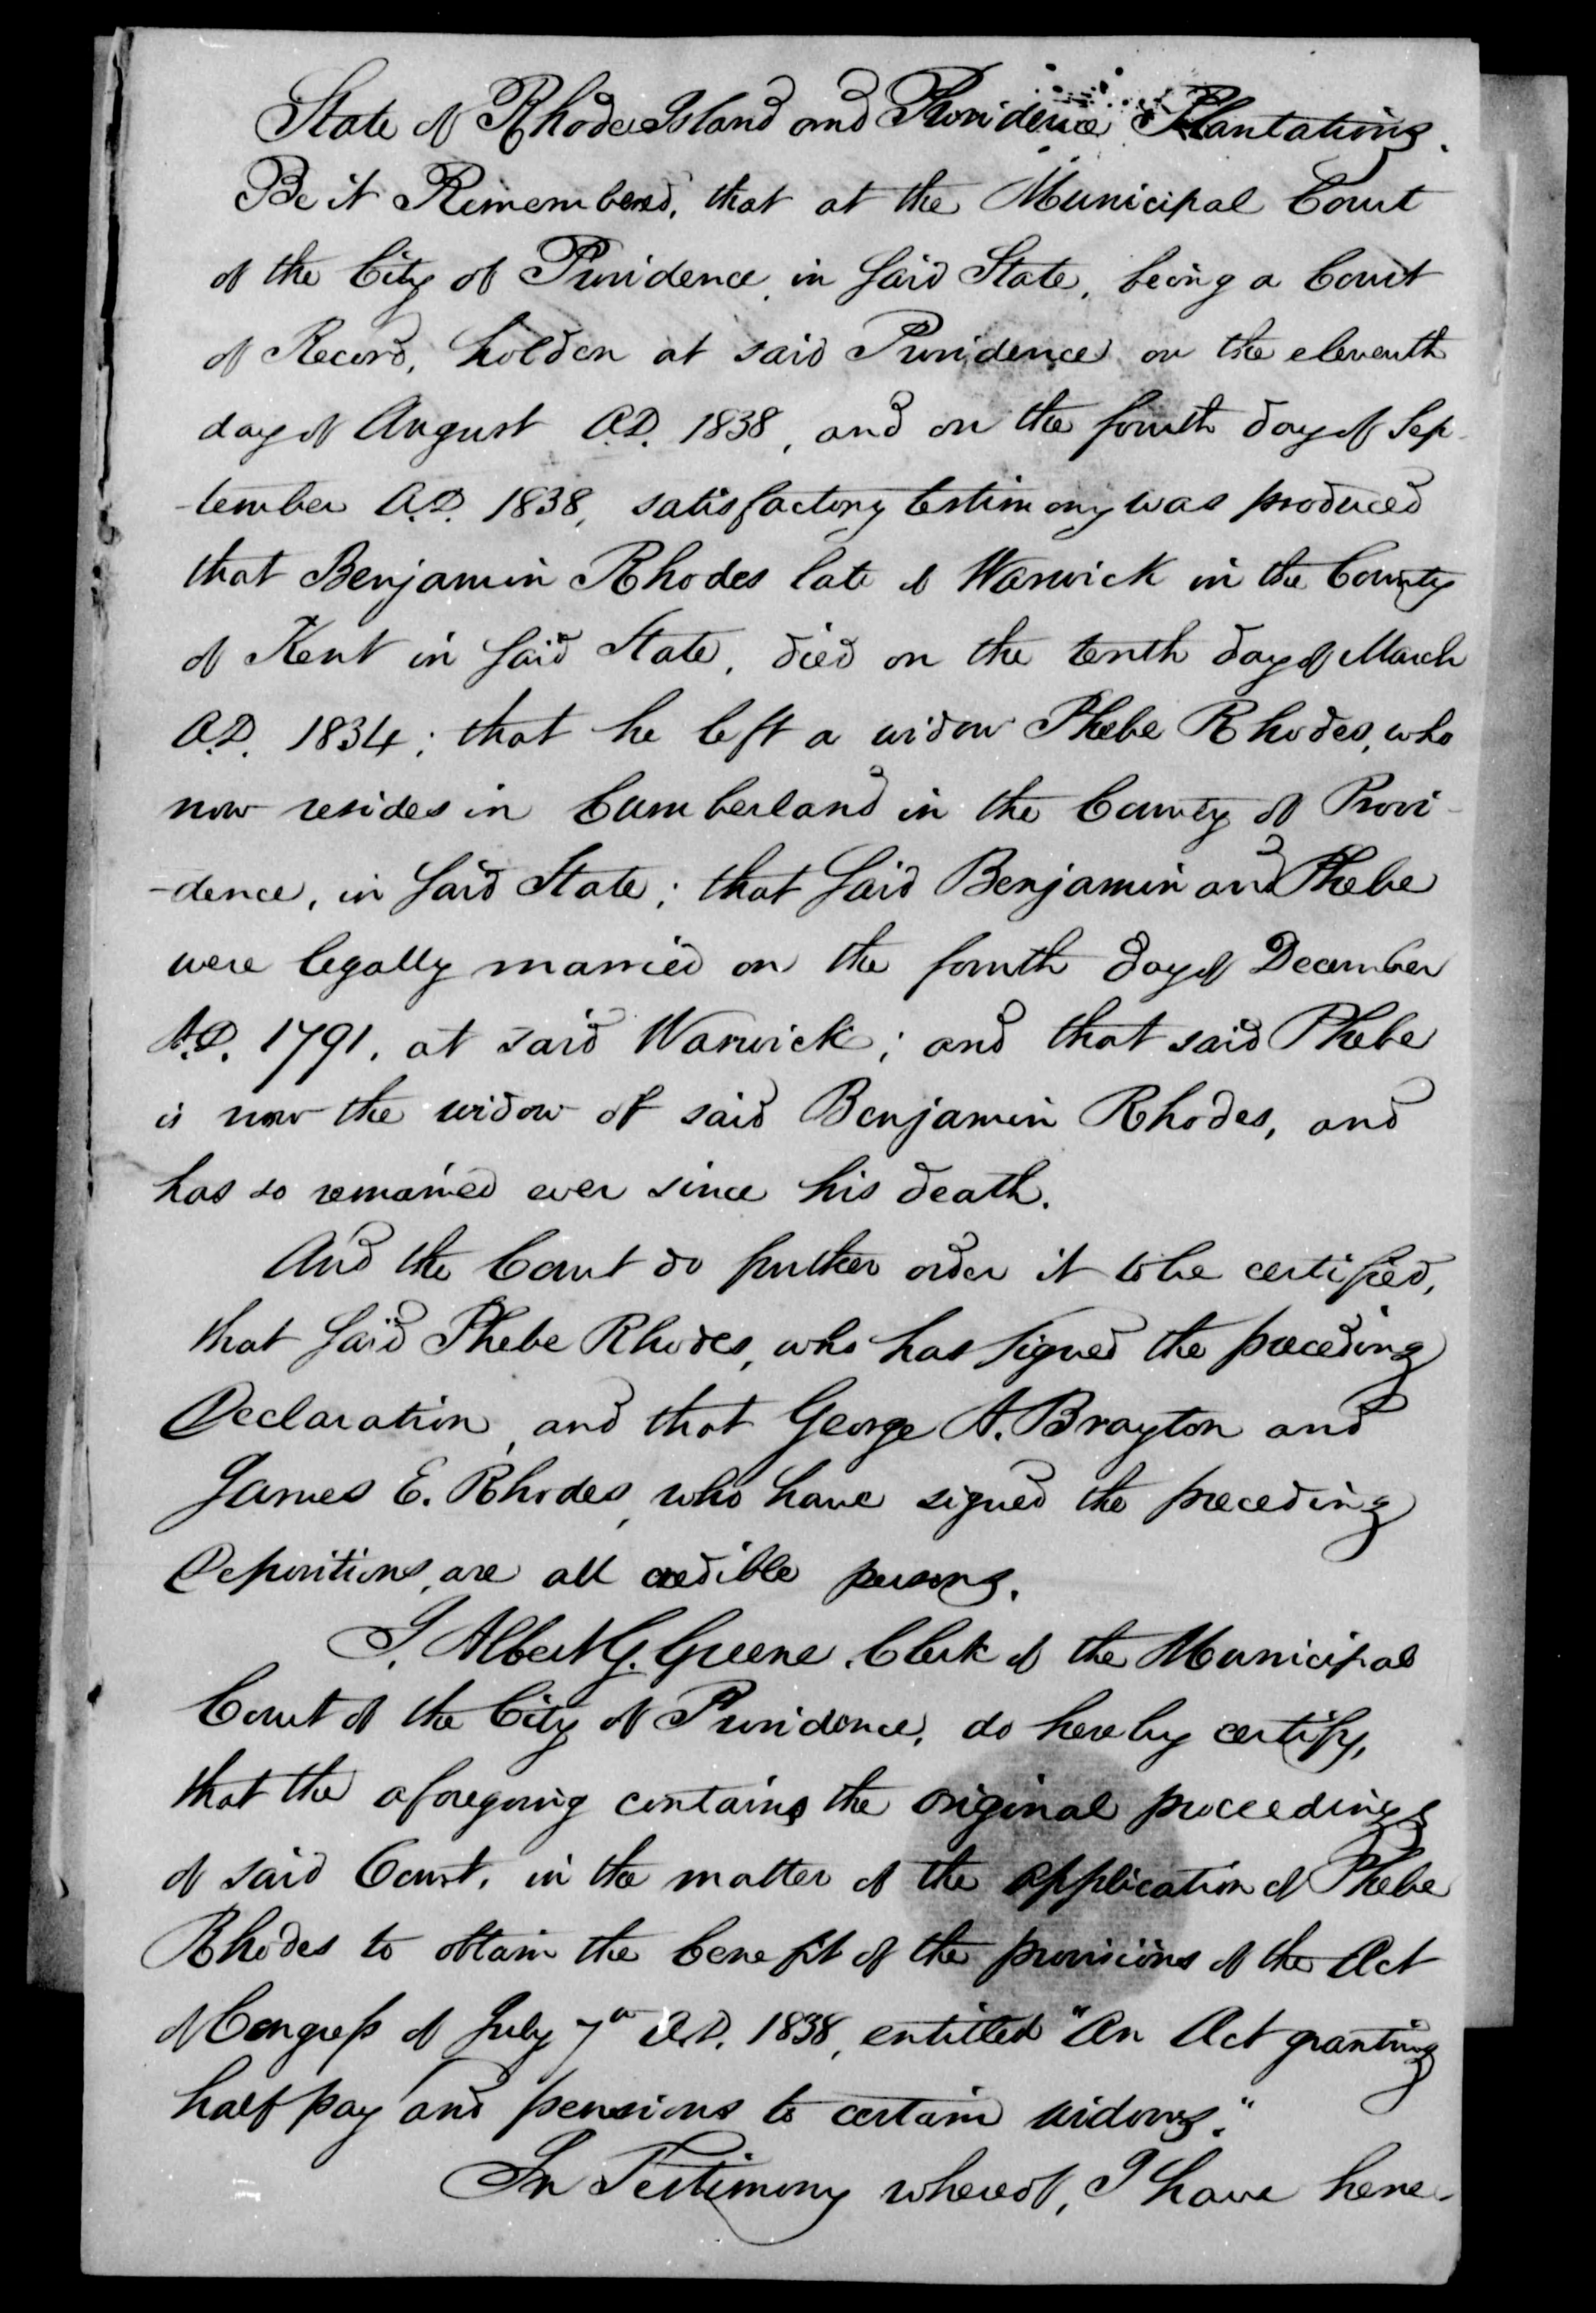State of Rhode Island and Providence Plantations
Be it Remembered, that at the Municipal Court
of the City of Providence in said State, being a Court of Record, holden at said Providence on the eleventh day of August AD. 1838, and on the fourth day of September A.D. 1838, satisfactory testimony was produced that Benjamin Rhodes late of Warwick in the County of Kent in said State, died on the tenth day of March
A.D. 1834, that he left a widow Phebe Rhodes, who now resides in Cumberland in the County of Providence, in said State; that said Benjamin and Phebe were legally married on the fourth day of December A.D. 1791, at said Warwick, and that said Phebe is now the widow of said Benjamin Rhodes, and has so remained ever since his death. And the Court do further order it to be certified that said Phebe Rhodes, who has signed the preceding Declaration and that George A. Brayton and James E. Rhodes, who have signed the preceding Depositions are all credible persons.
I, Albert G. Greene Clerk of the Municipal
Court of the City of Providence, do hereby certify
that the aforegoing contains the original proceedings of said Court, in the matter of the application of Phebe Rhodes to obtain the benefit of the provisions of the Act of
Congress of July 7th A.D. 1838, entitled "An Act granting half pay and pensions to certain widows."
In Testimony whereof, I have here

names: George A Brayton; Phebe Rhodes; James E Rhodes; Phebe Rhodes; Benjamin [BLANK]; Phebe [BLANK]; Phebe [BLANK]; Benjamin Rhodes; Phebe Rhodes; Benjamin Rhodes; Albert G Greene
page: 13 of 50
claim: widow's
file: W. 22058, for Benjamin Rhodes, Rhode Island